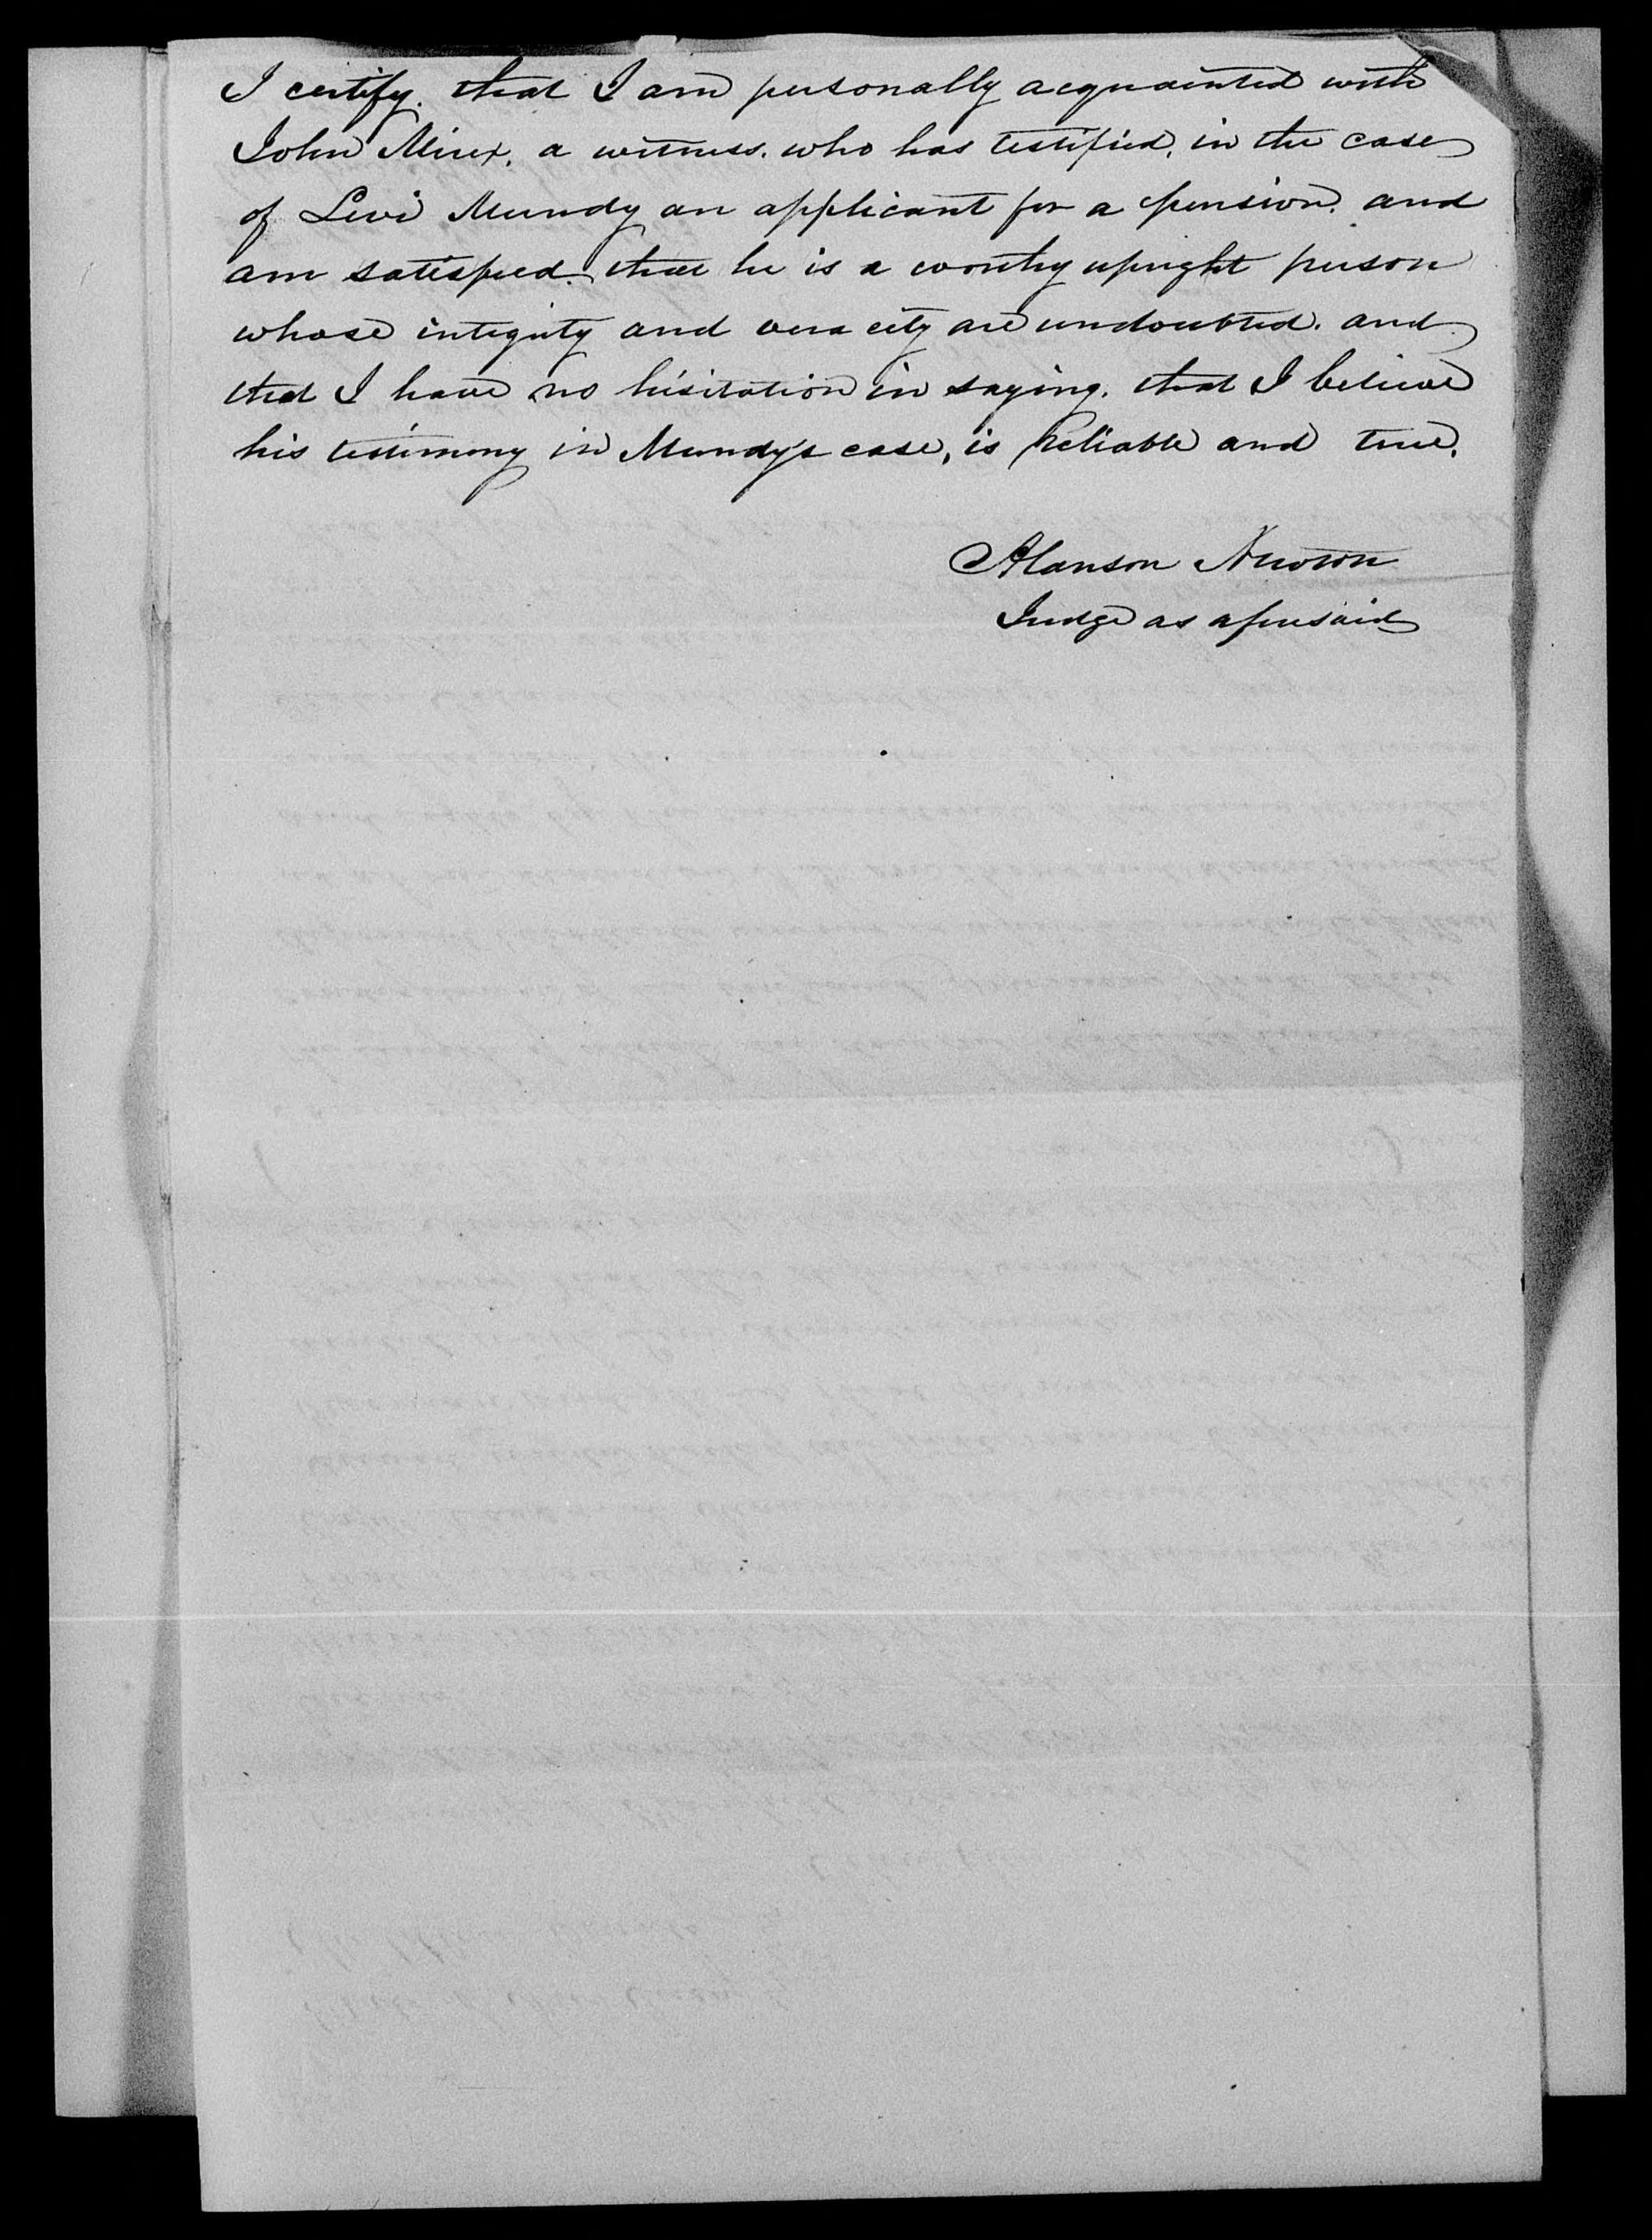I certify that I am personally acquainted with John Mirex, a witness who has testified in the case of Levi Mundy, an applicant for a pension and am satisfied that he is a worthy upright person whose integrity and veracity and undoubted and that I have no hesitation in saying that I believe his testimony in Mundy's case is reliable and true.
s/ Alanson Newton, Judge as aforesaid.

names: John Mirex; Levi Mundy; Alanson Newton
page: 44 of 95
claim: survivor's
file: S 2889, for Levi Mundy, New Jersey